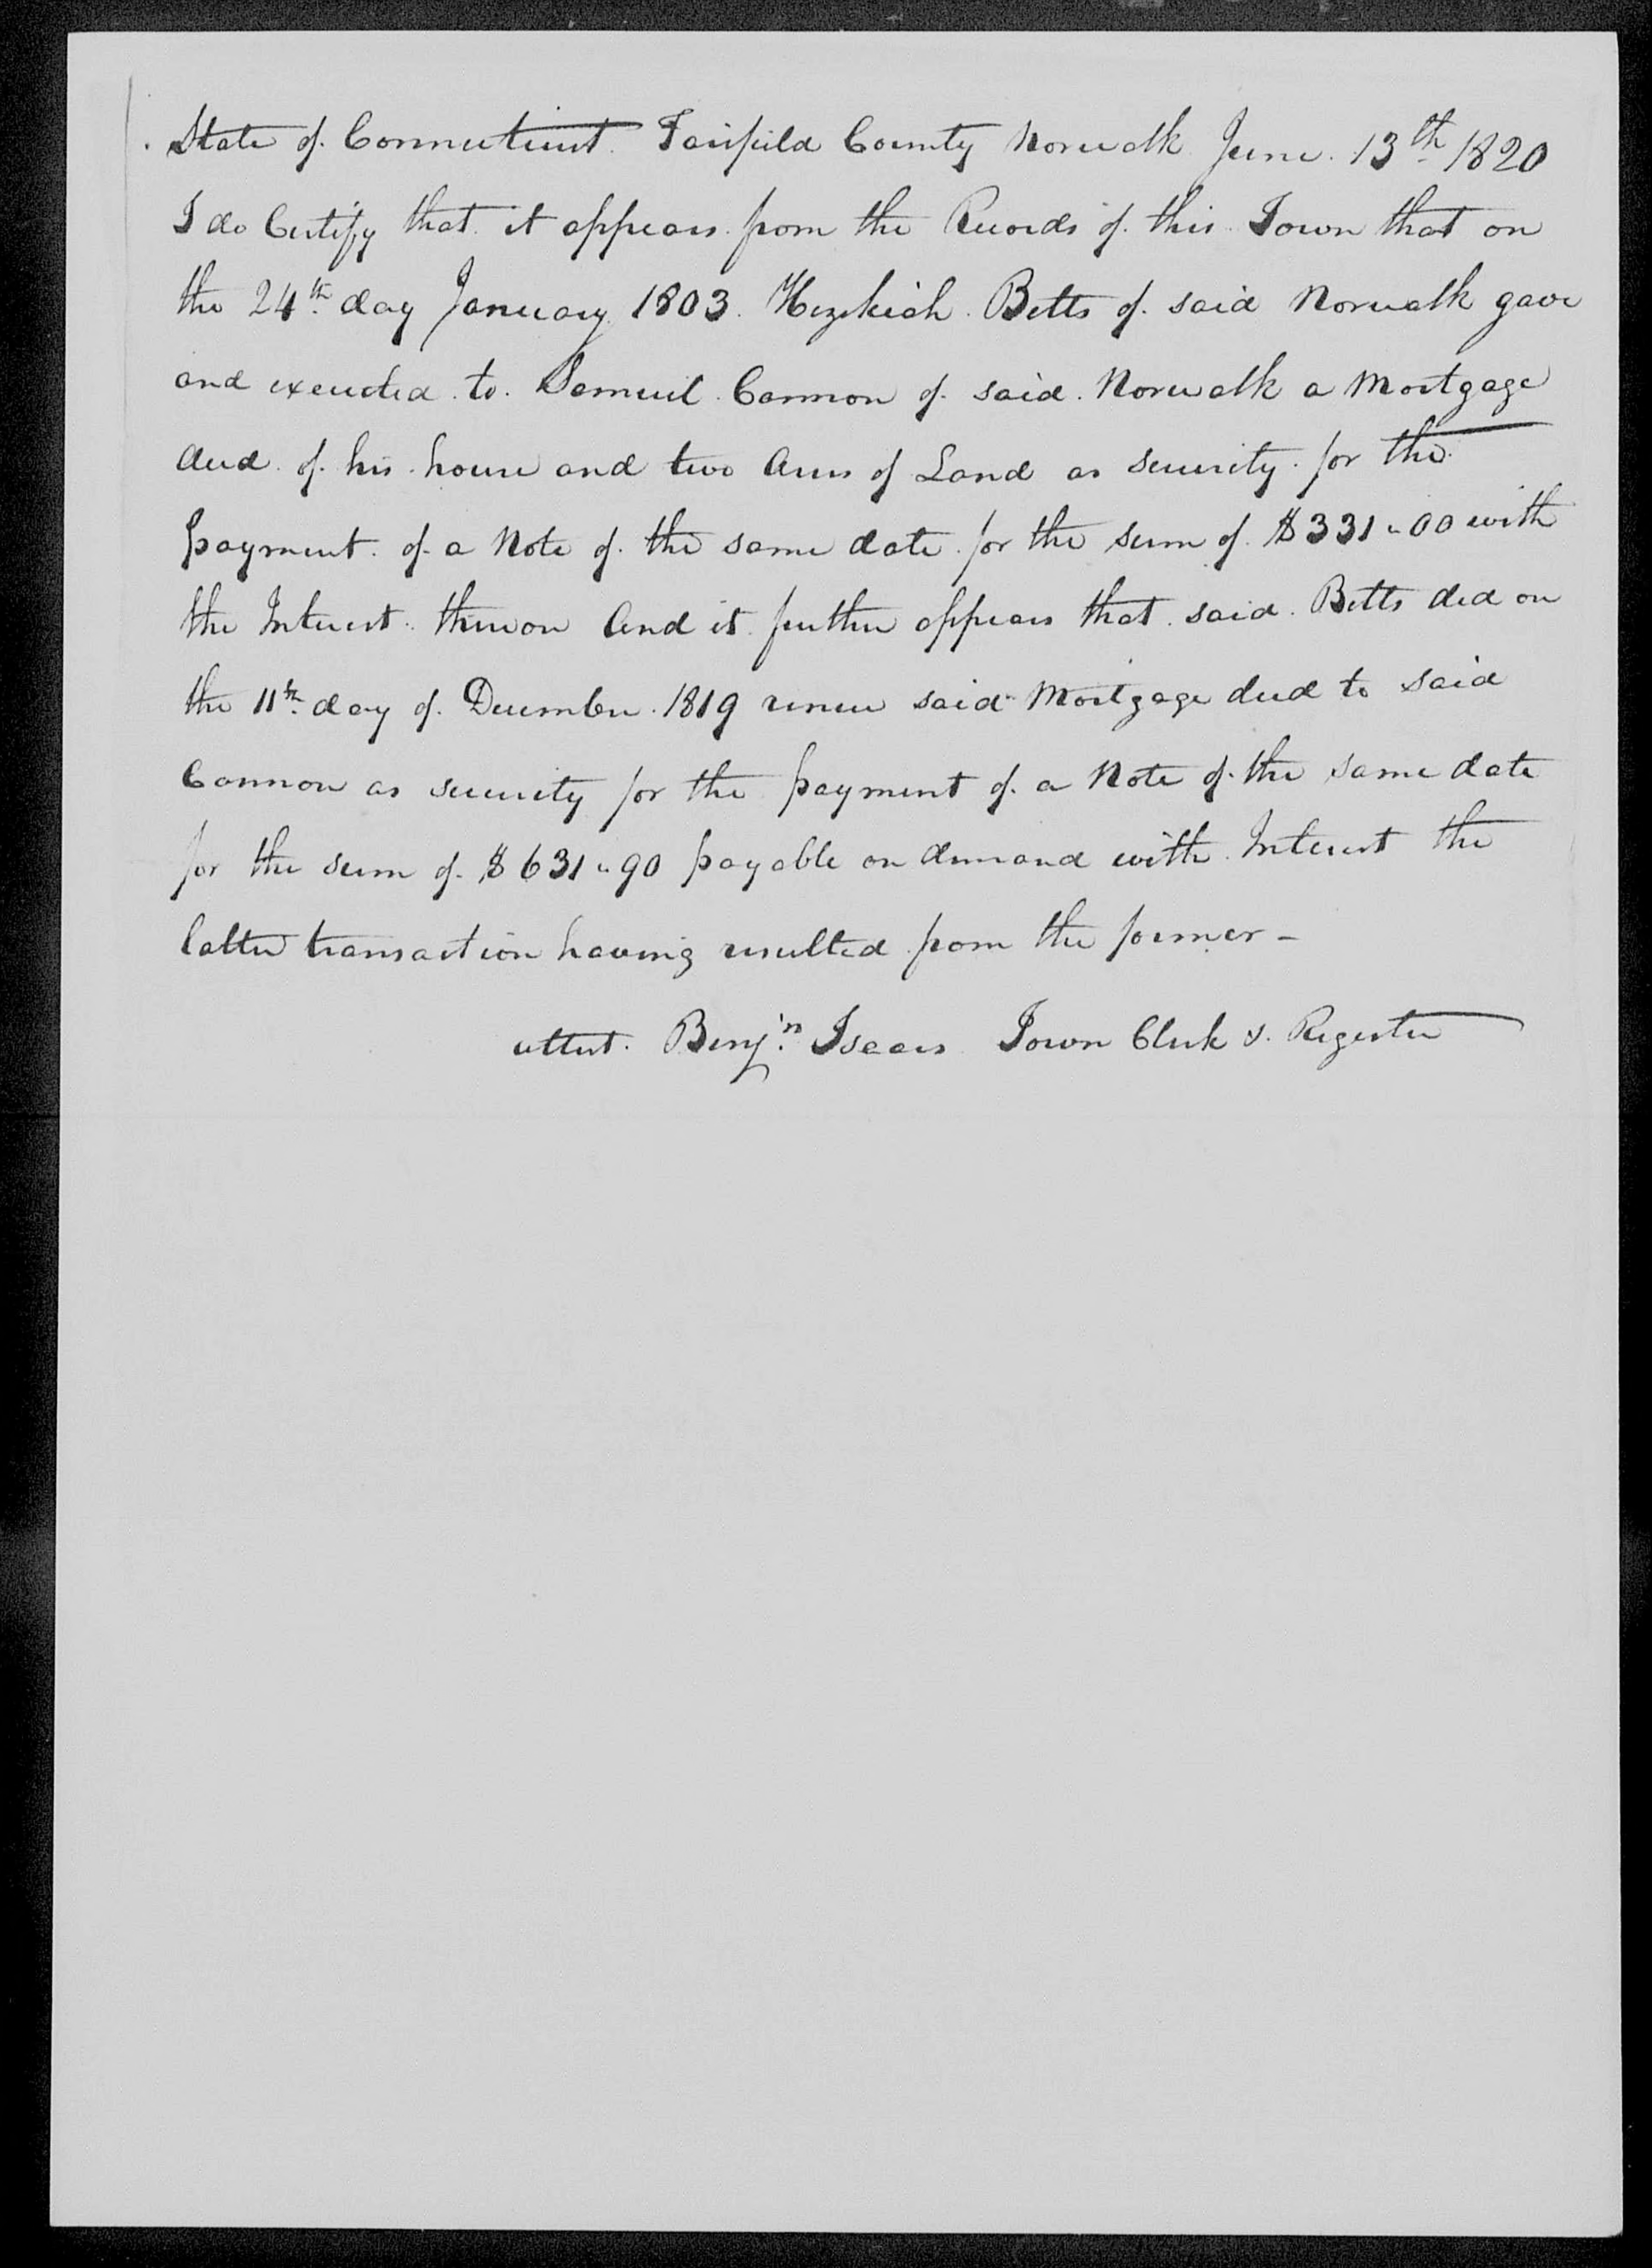State of Connecticut, Fairfield County, Norwalk June 13th 1820
I do certify that it appears from the Records of this Town that on the 24th day January 1803 Hezekiah Betts of said Norwalk gave and executed to Samuel Cannon of said Norwalk a mortgage deed of his house and two acres of land as security for the payment of a note of the same date for the sim of $331.00 with the Interest thereon and it further appears that said Betts did on the 11th day of December 1819 renew said mortgage deed to said Cannon as security for the payment of a note of the same date for the sim of $631.90 payable on demand with Interest the latter transaction resulted from the former.
attest Benj. Isaacs Town Clerk & Register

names: Betts, Cannon, Hezekiah Betts, Samuel Cannon, Benjn Isaacs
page: 49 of 61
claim: widow's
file: W. 29,929, Hezekiah Betts, Conn.